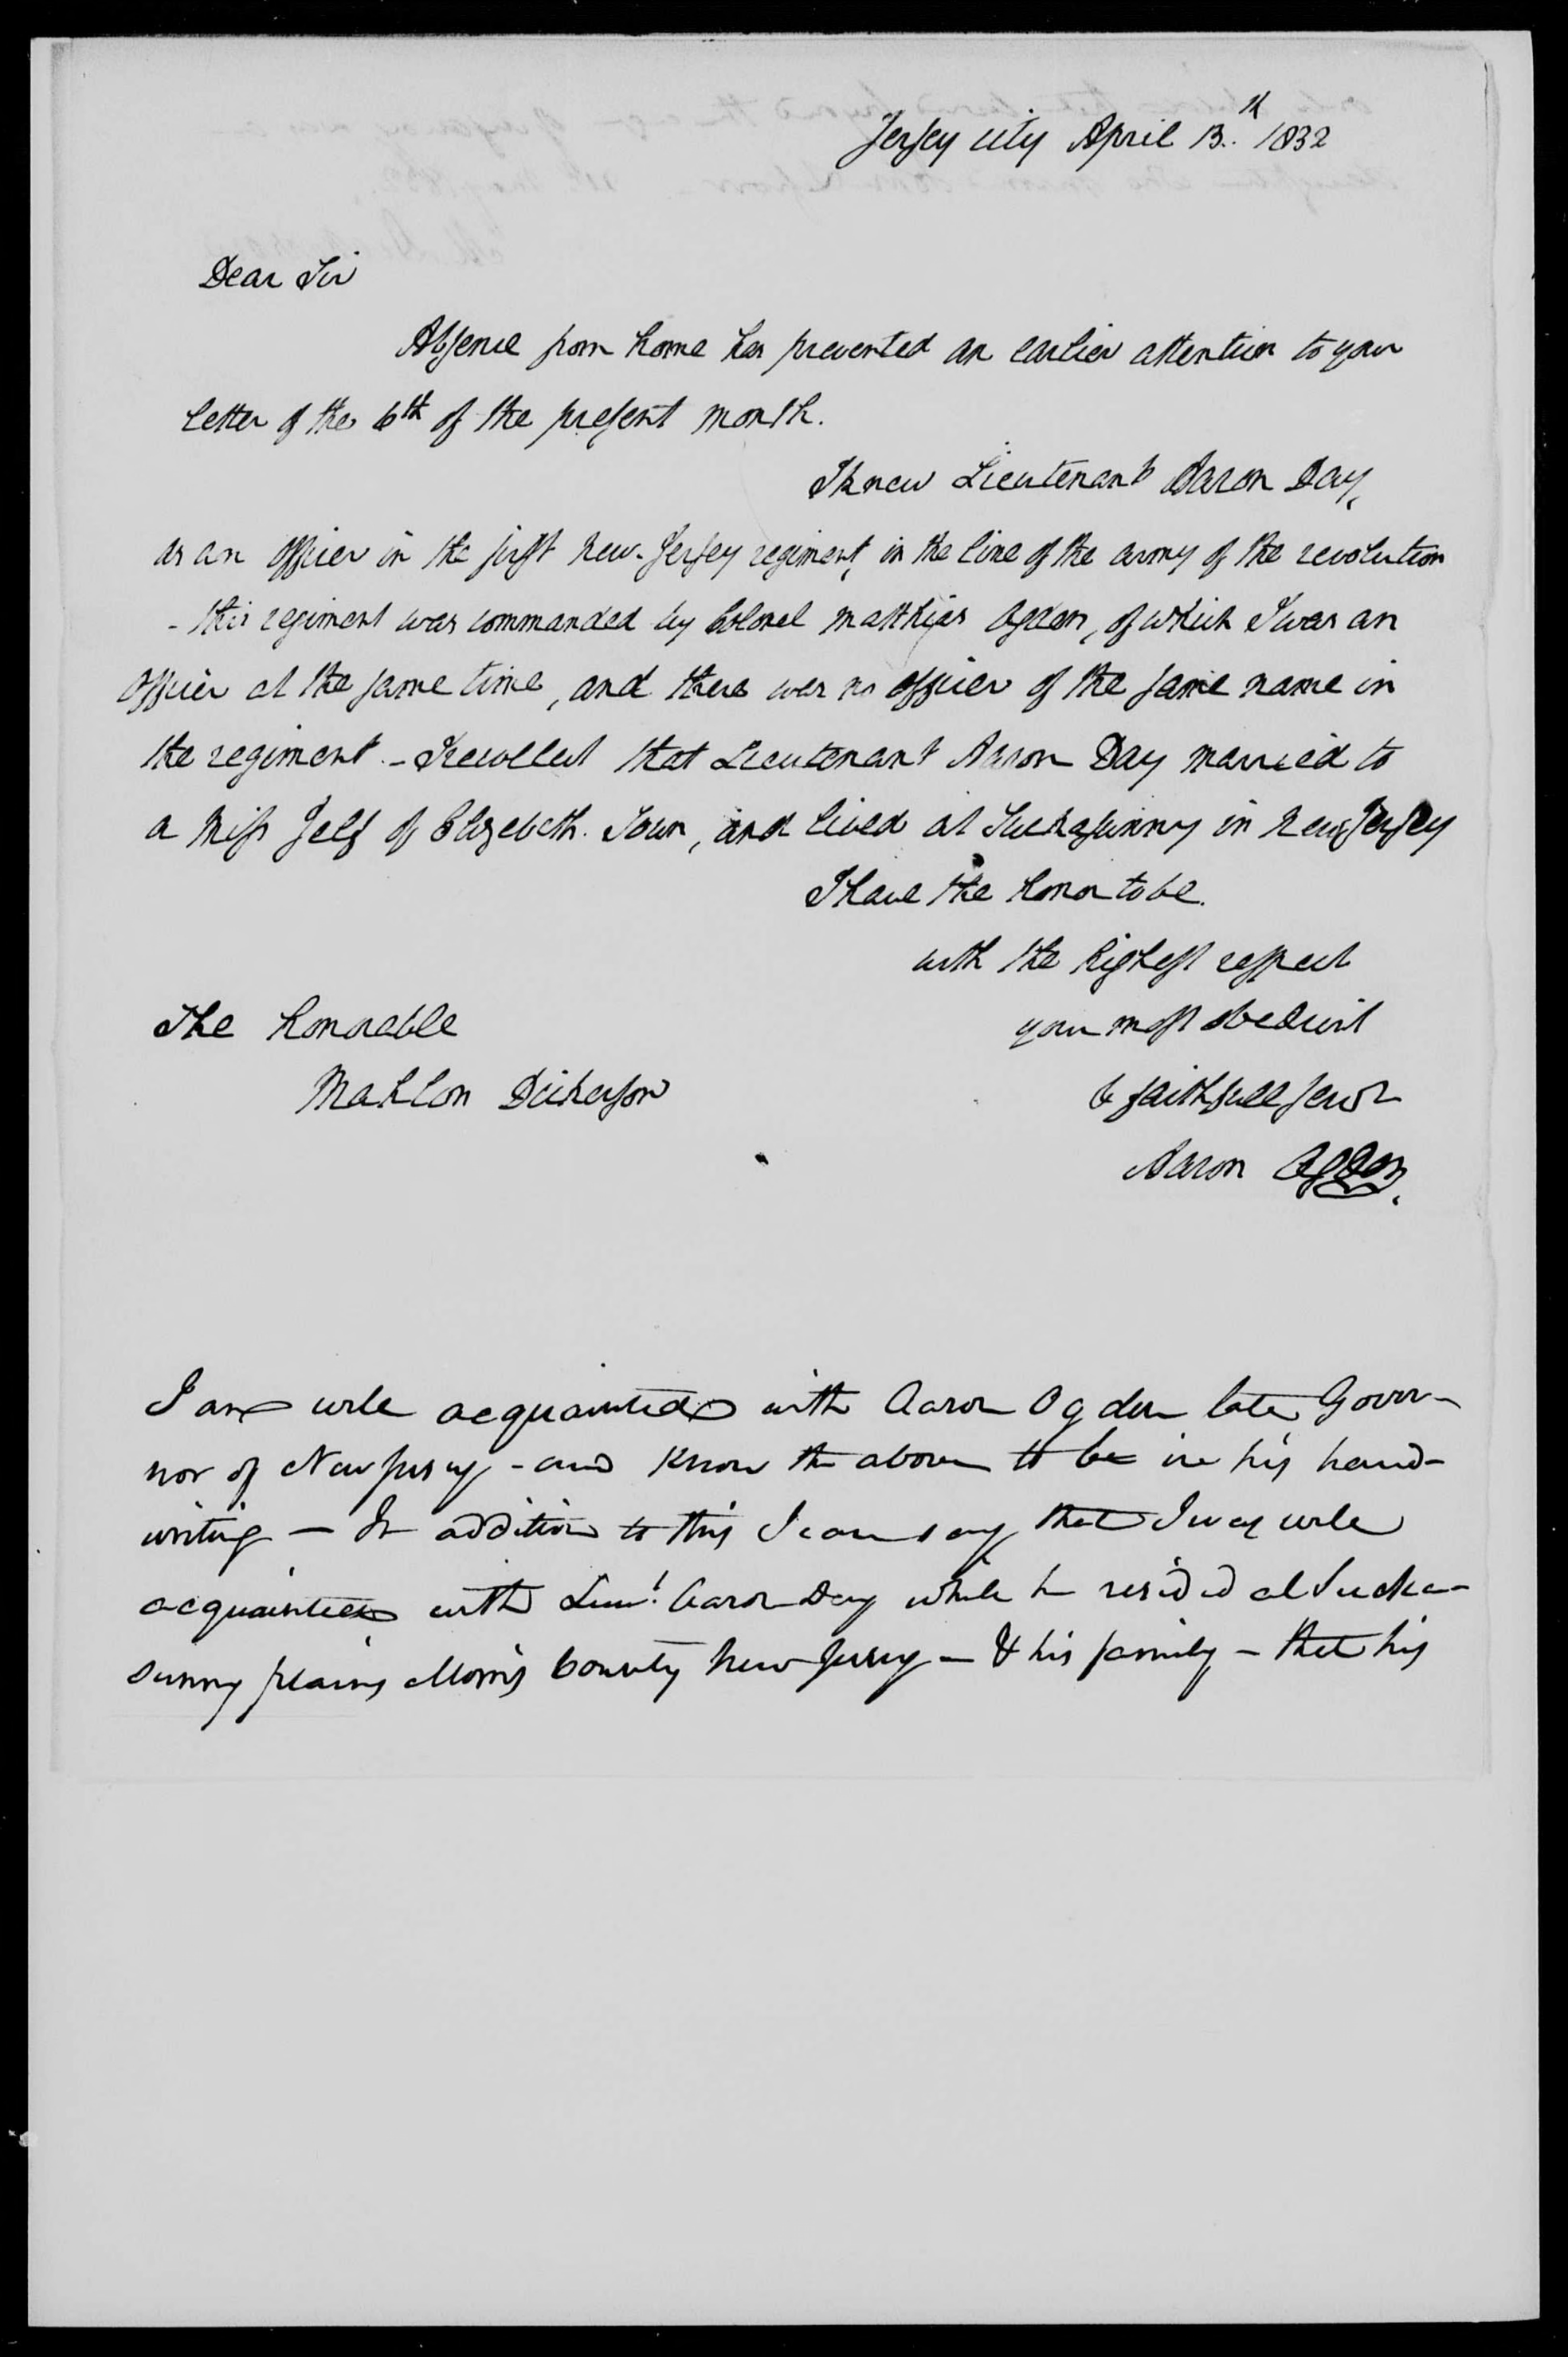Jersey City April 13th 1832

Dear Sir
Absence from home has prevented an earlier attention to your letter of the 6th of the present month.
I knew Lieutenant Aaron Day, as an officer in he first New. Jersey regiment, in the line of the army of the revolution-this regiment was commanded by Colonel Matthias Ogden, of which I was an officer at the same time, and there was no officer of the same name in the regiment-I recollect that Lieutenant Aaron Day married to a Miss Jeff of Elizabeth Town , and lived at in Succasunna  New Jersey
I have the honor to be with the Highest respect
Your most obedient and faithful servant
Aaron Ogden

The honorable Mahlon Dickerson

I am well acquainted with Aaron Ogden late Governor of New Jersey--and know the above to man in his hand writing-In addition to this I can say that I was well acquainted with Lieut. Aaron Day while he resided at Succasunna plains Morris County New Jersey-and his family that his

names: Aaron Day, Aaron Day, Aaron Day, Aaron Ogden, Matthias Ogden, Aaron Ogden, Mahlon Dickerson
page: 7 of 15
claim: bounty land warrant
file: B. L. Wt. 1849-200, Aaron Day, New Jersey